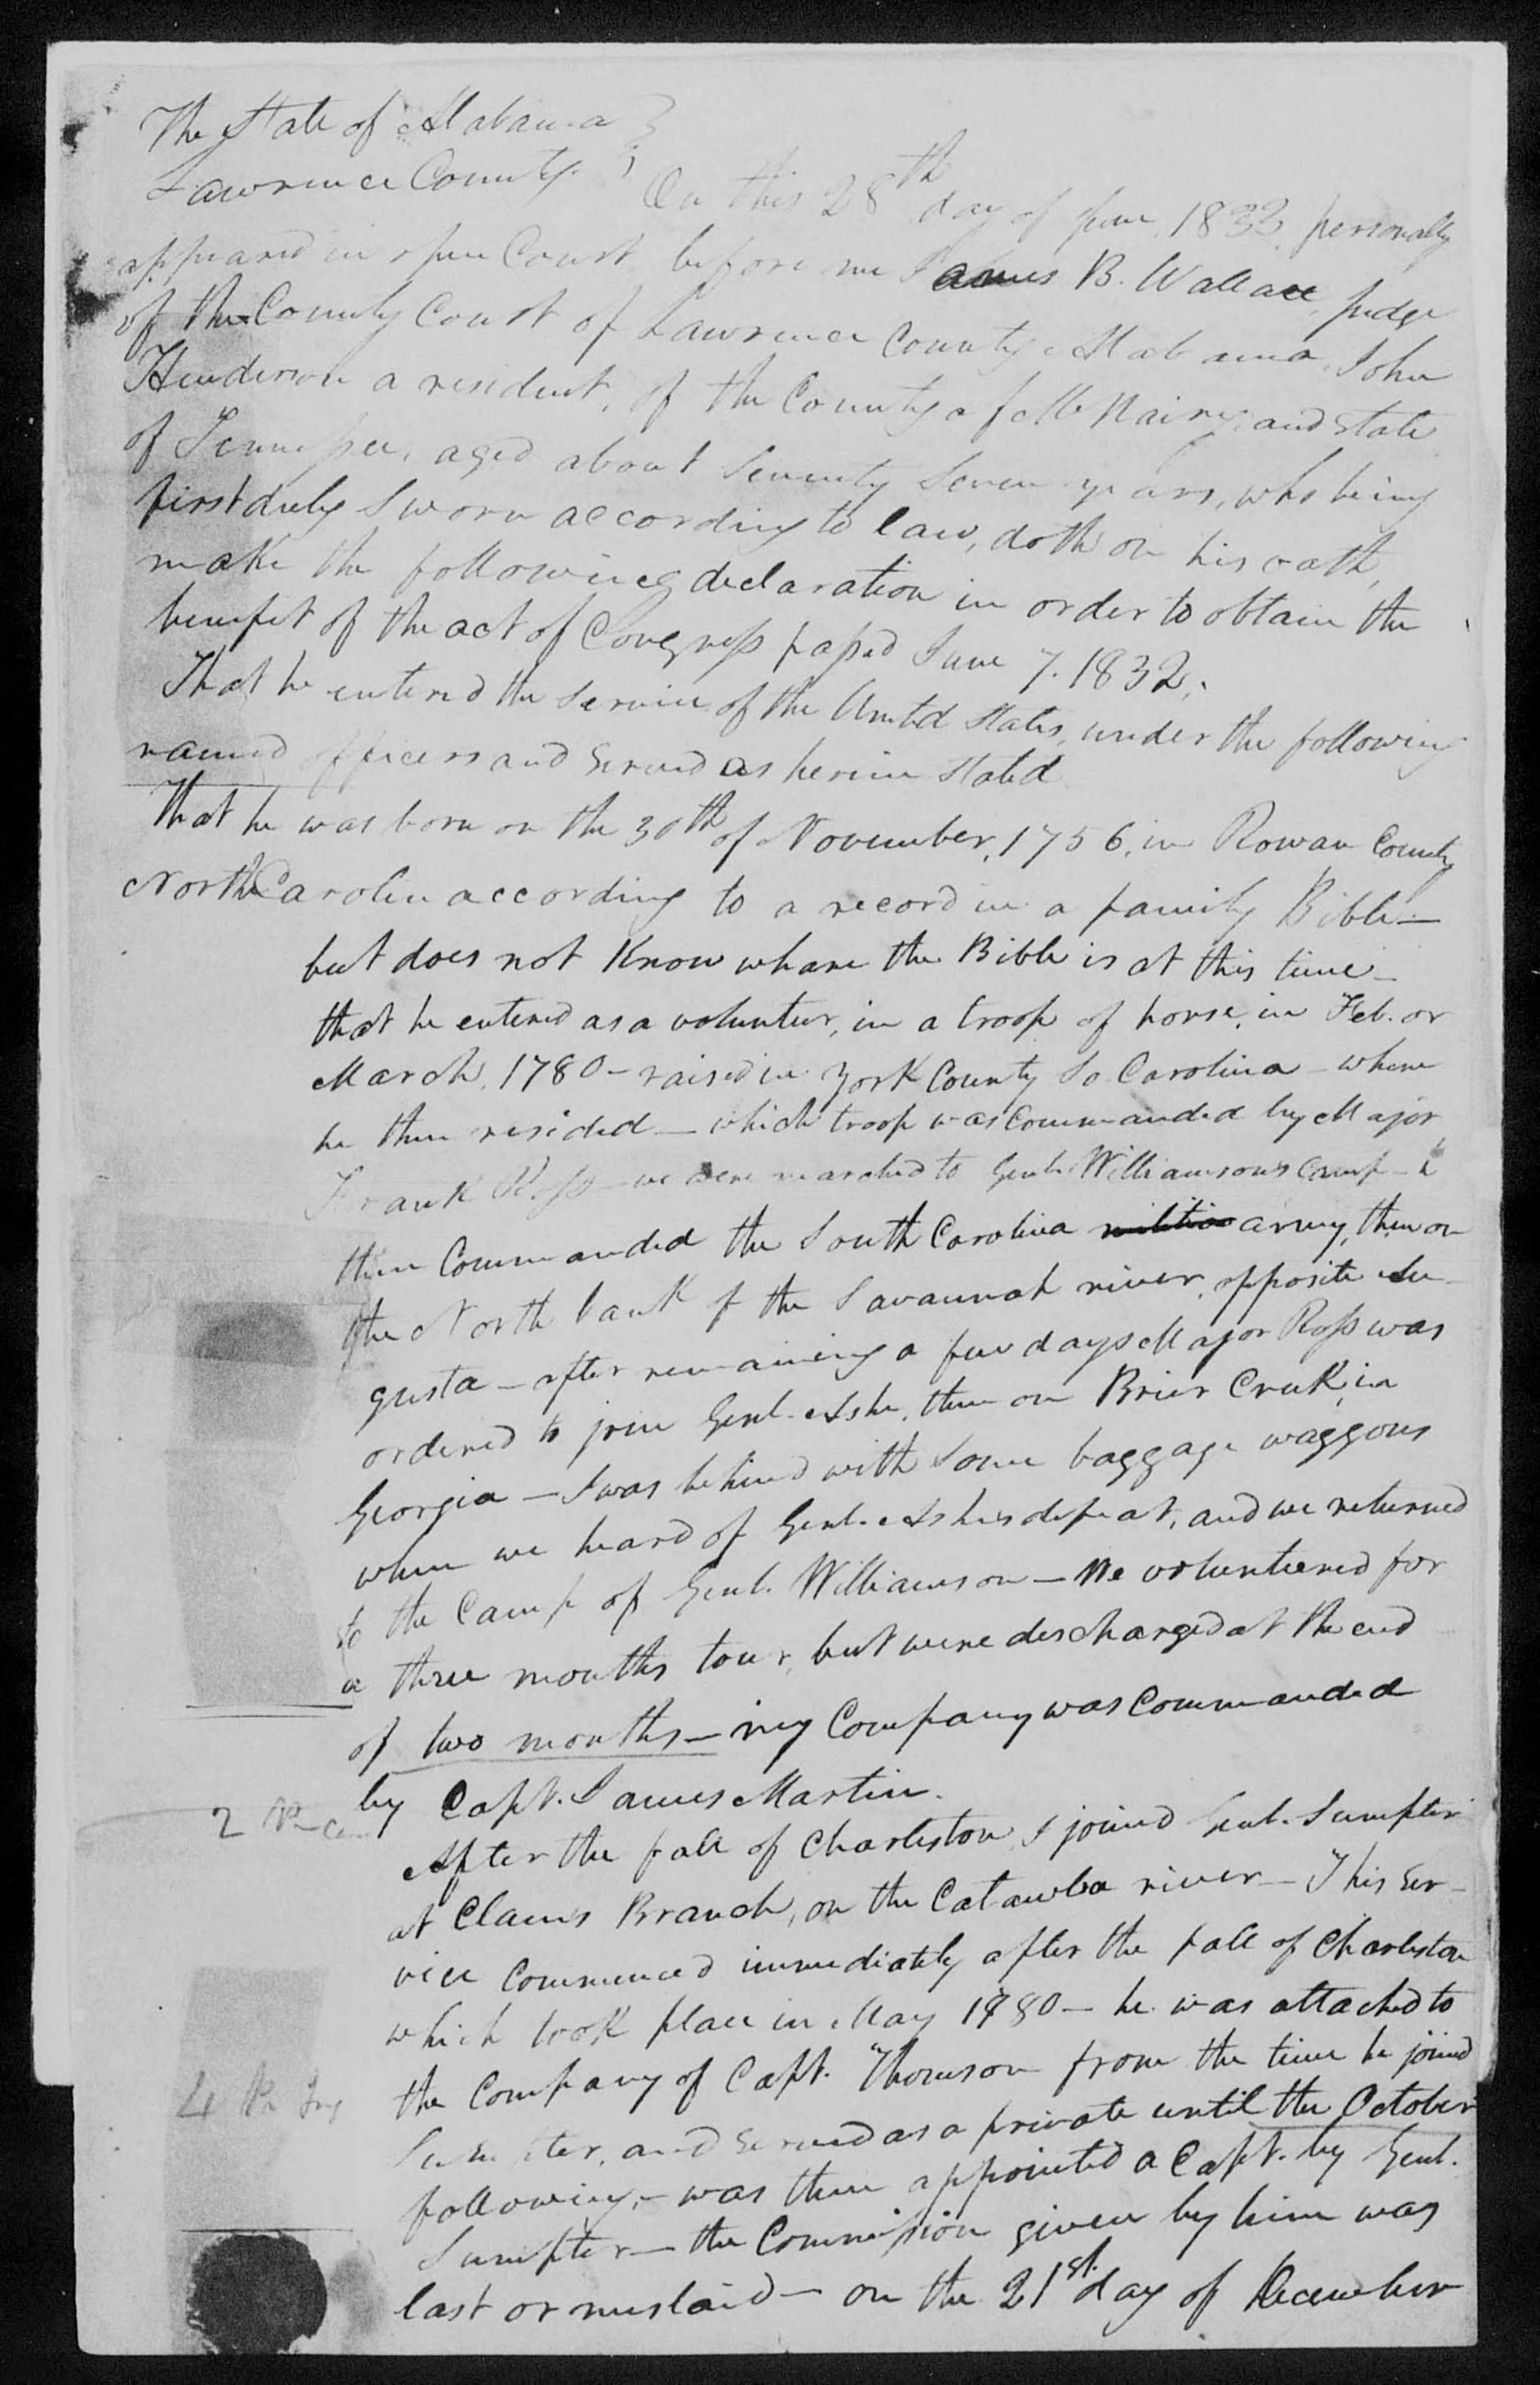The State of Alabama Lawrence County 
On this 28th day of June 1833 personally appeared in open court before me James B Wallace Judge of the County Court of Lawrence County Alabama John Henderson a resident of the County of McNairy and State of Tennessee aged about seventy seven years, who being first duly sworn according to law, doth on his oath make the following declaration in order to obtain the benefit of the act of Congress passed June 7 1832.
That he was born on the 30th of November 1756 in Rowan County North Carolina according to a record in a family Bible but does not know where the Bible is at this time - that he entered as a volunteer, in a troop of horse in Feb. or March 1780 - raised in York County So Carolina where he then resided - which troop was commanded by Major Frank Ross - we were marched to Genl. Williamsons Camp - he then commanded the South Carolina army, then on the north bank of the Savannah river opposite Augusta - after remaining a few days Major Ross was ordered to join Genl. Ashe then on Brier Creek in Georgia - I was behind with some baggage waggons when we heard of Genl. Ashe's defeat, and we returned to the camp of Genl. Williamson - we volunteered for a three months tour but were discharged at the end of two months- viz Company was commanded by Capt James Martin.
After the fall of Charleston I joined Genl. Sumpter at Clam's Branch, on the Catwba river - This service commenced immediately after the fall of Charleston which took place in May 1780 - he was attached to the company of Capt. Thomson from the time he joined Sumpter and served as a private until the October following - was then appointed a Capt. by Genl. Sumpter - the Commission given by him was lost or mislaid - on the 21st day of December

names: Ashes, John Henderson, James B Wallace, Frank Ross, Williamson, Sumpter, Ross, Sumpter, Ashe, James Martin, Thomson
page: 3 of 40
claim: rejected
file: R. 4,869, John Henderson, S.C.